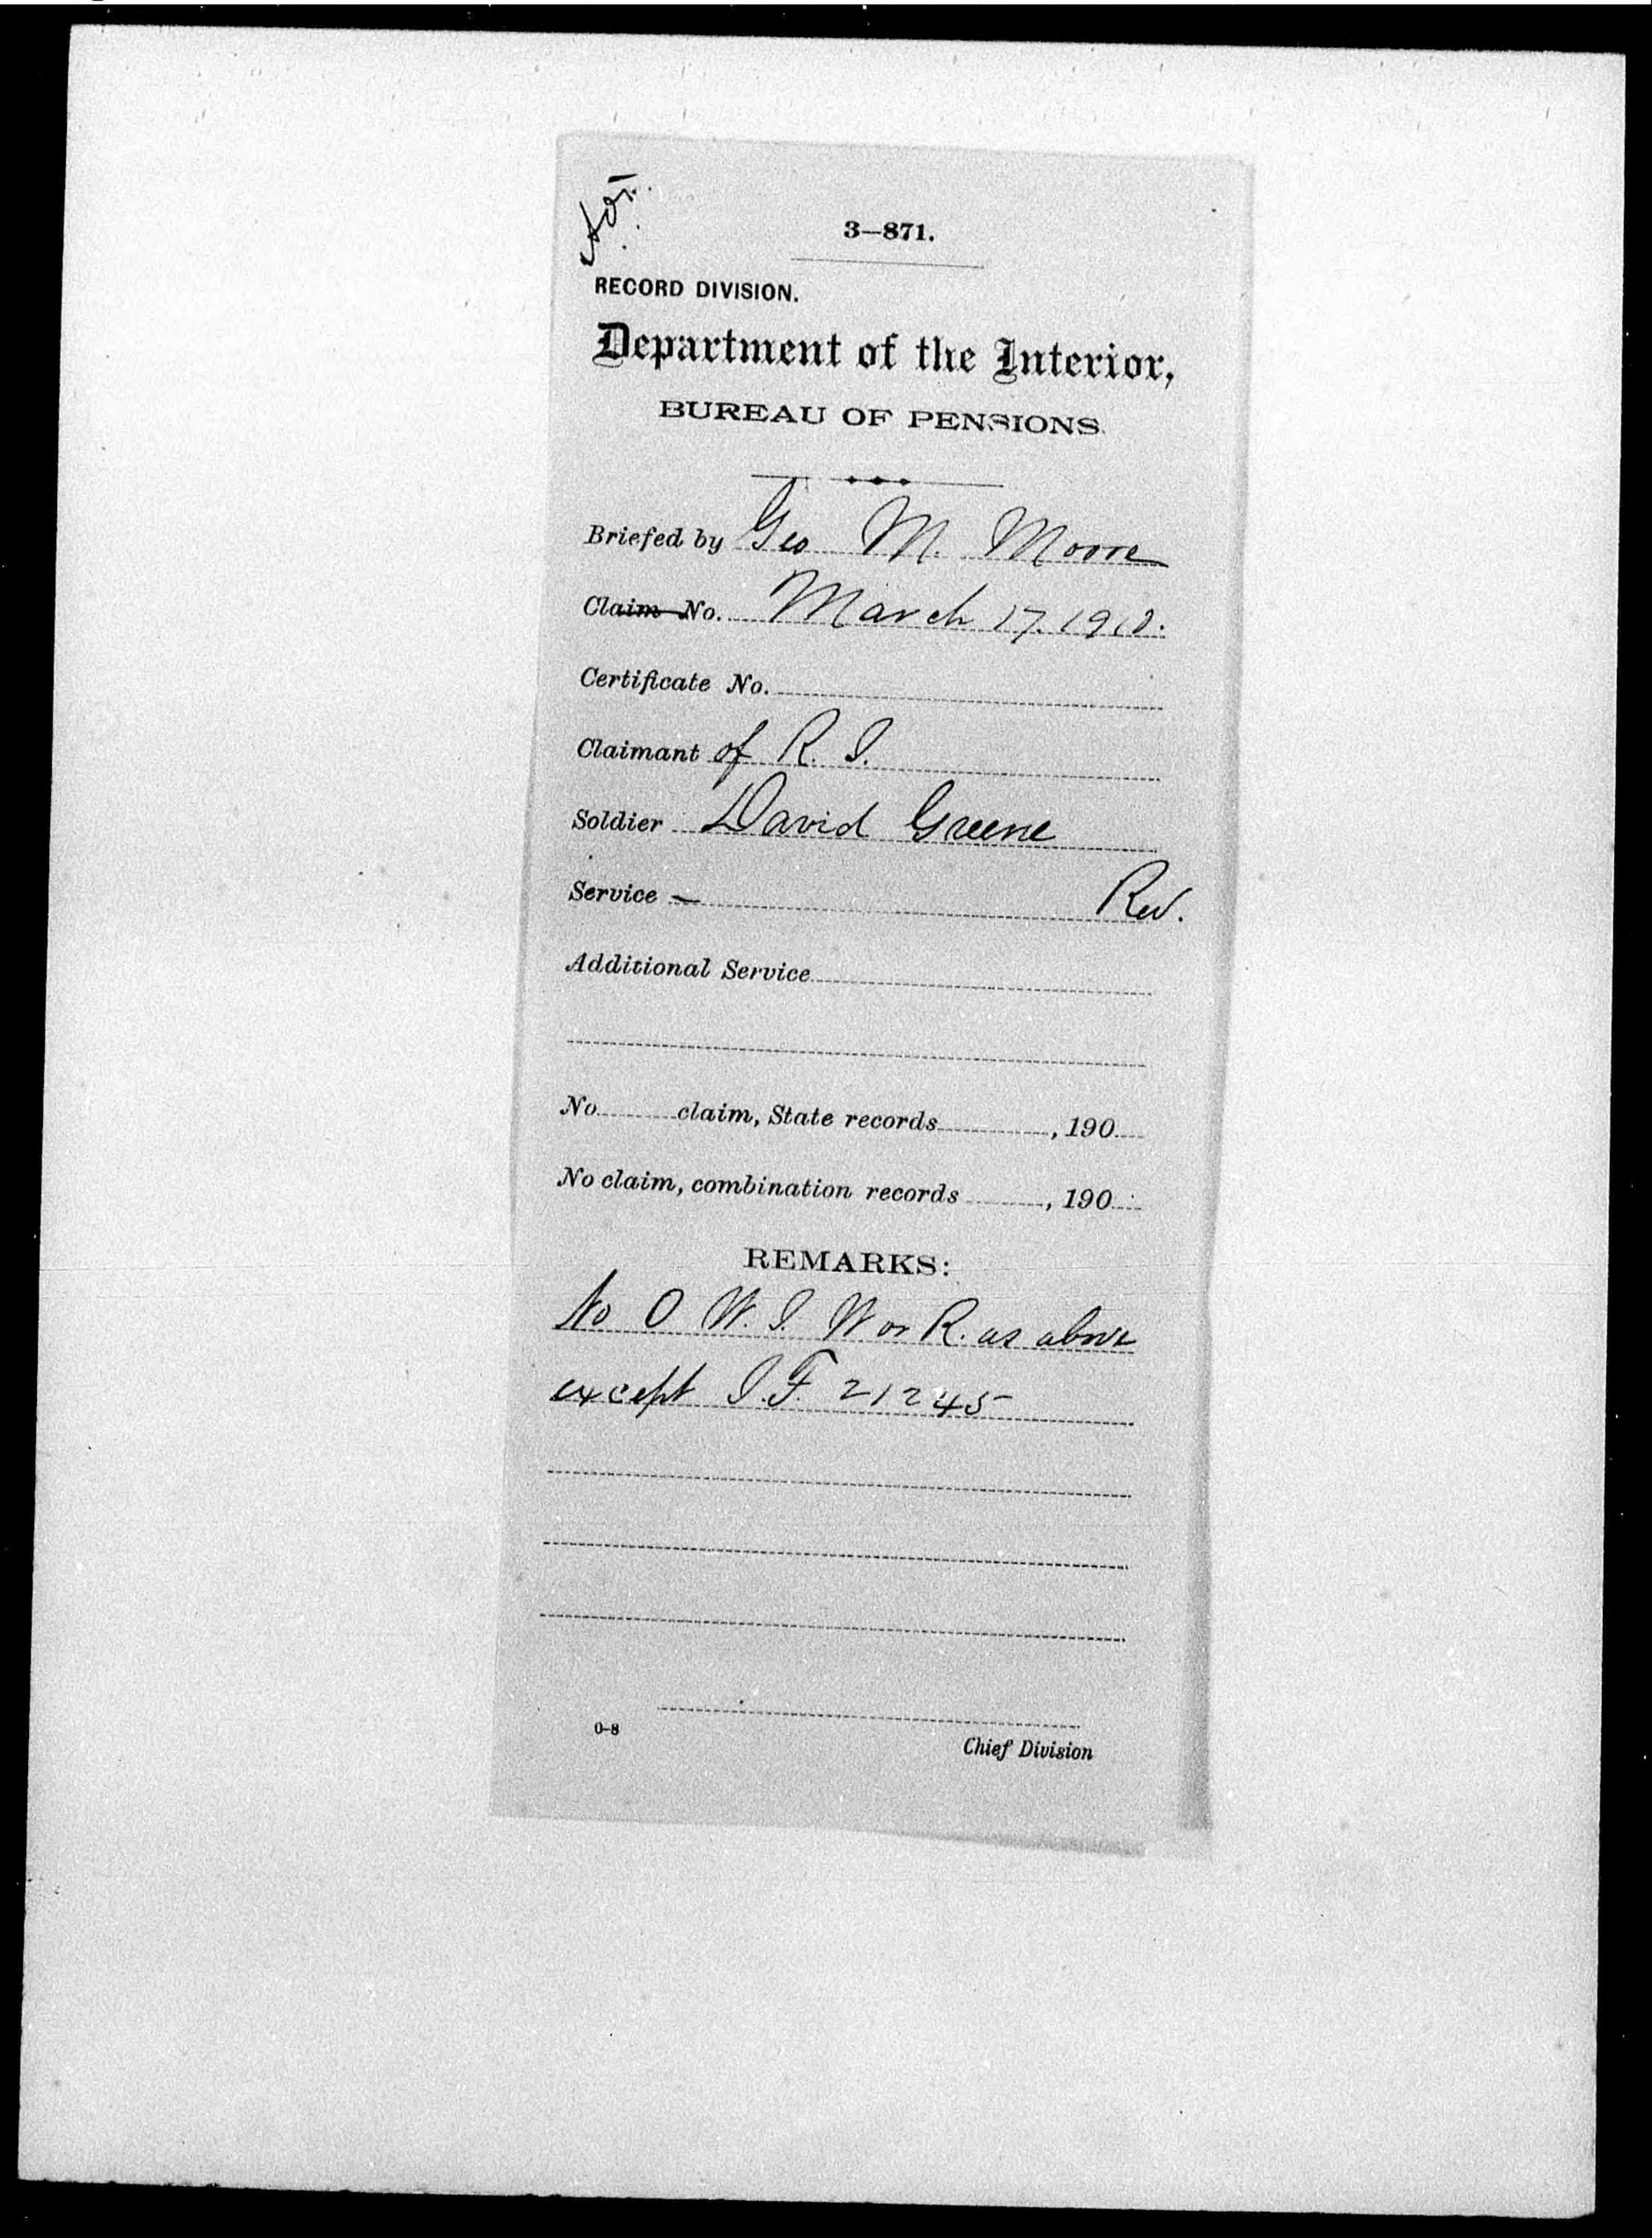3-871
RECORD DIVISION.
Department of the Interior,
BUREAU OF PENSIONS
Briefed by Geo M. Moore
Claim No. March 17 1910
Certificate No.
Claimant of R. I.
Soldier David Greene
Service Rev.
Additional Service
No claim, State records, 190
No claim, combination records, 190
REMARKS:
[illegible] 
O. W. I. Moo R. as above
except I. F. 21245 
Chief Division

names: Geo M Moore, David Greene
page: 17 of 27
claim: survivor's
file: S. 21,245, David Greene, R.I.